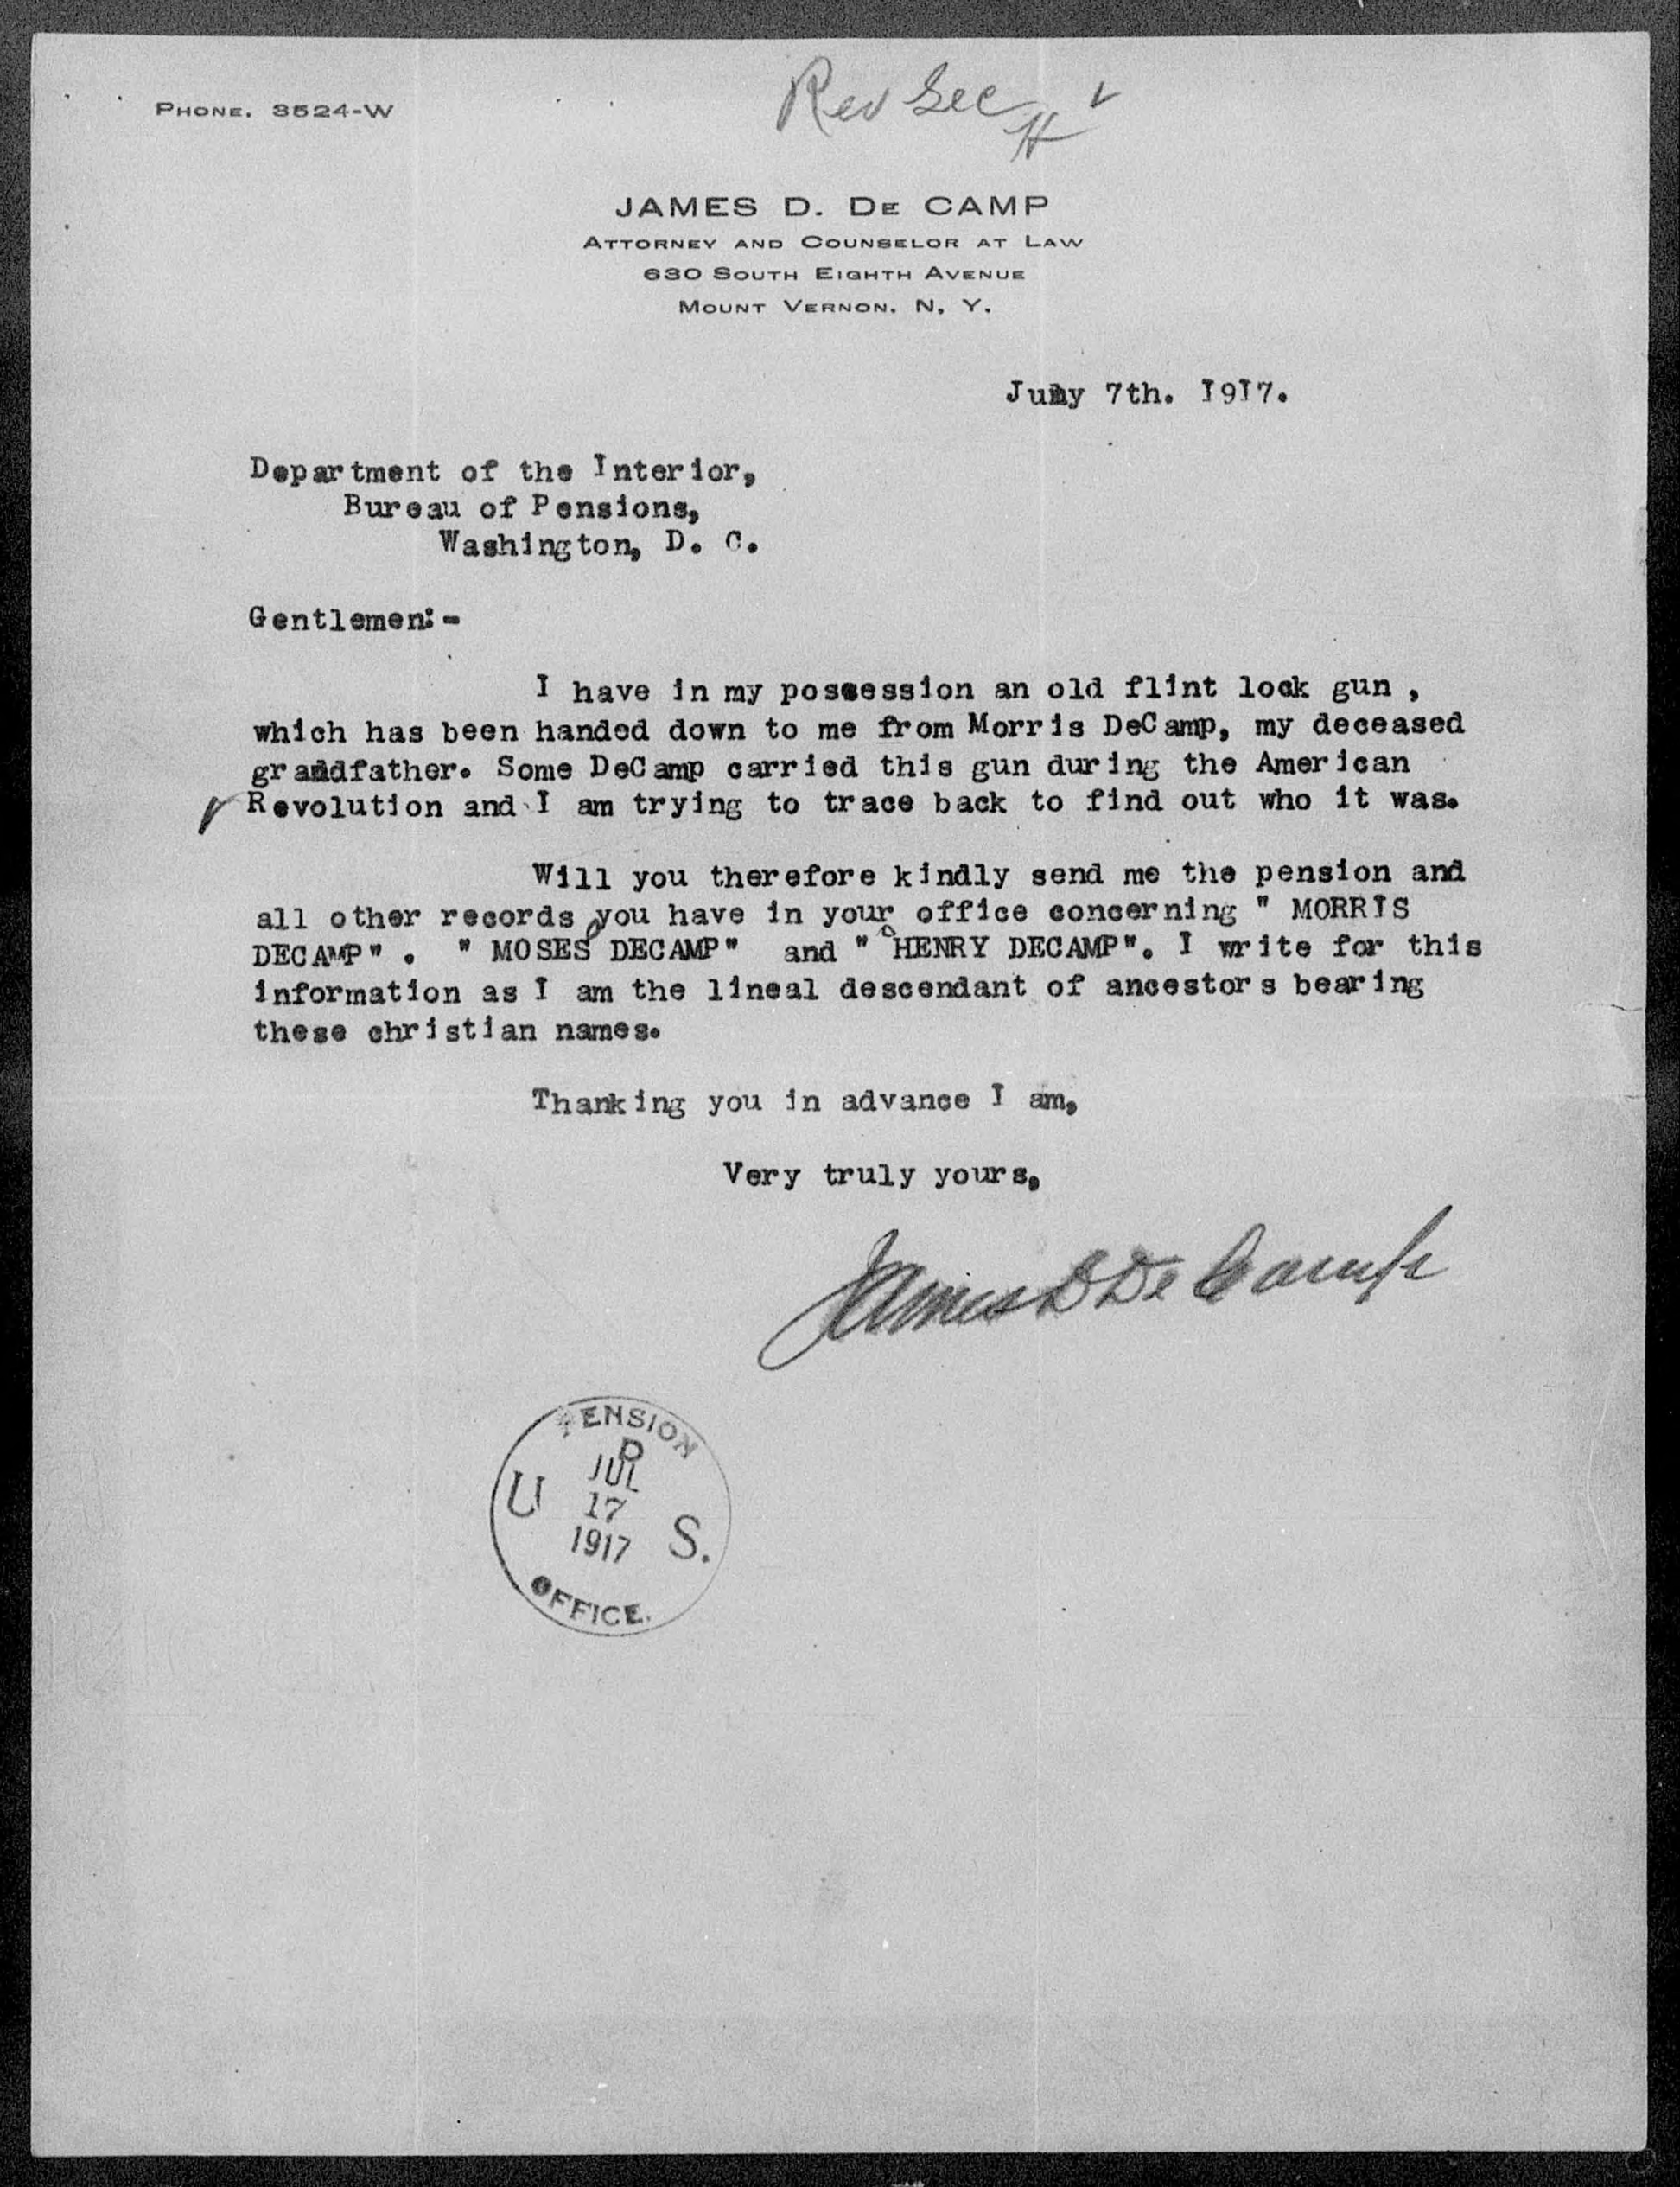PHONE 8824 - W
Rev Sec
JAMES D. DE CAMP
ATTORNEY AND COUNSELOR AT LAW
630 SOUTH EIGHTH AVENUE
MOUNT VERNON, N. Y.

July 7th, 1917.
Department of the Interior,
Bureau of Pensions,
Washington, D. C.
Gentlemen:
I have in my possession an old flint lock gun,
which has been handed down to me from Morris Decamp, my deceased grandfather. Some Decamp carried his gun during the American Revolution and I am trying to trace back to find out who it was.
Will you therefore kindly send me the pension and all other records you have in your office concerning "MORRIS
DECAMP"  "MOSES DECAMP " and " HENRY DECAMP ". I write for this information as I am the lineal descendant of ancestors bearing
these christian names.
Thanking you in advance I am
Very truly yours,
James D De Camp
[stamp]
U.S. PENSION OFFICE D JUL 17 1917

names: James D De Camp, James D De Camp, Moses Decamp, Morris Decamp, Henry Decamp, Decamp, Morris Decamp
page: 40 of 52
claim: survivor's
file: S. 34172, Morris D Camp, Continental (New Jersey)